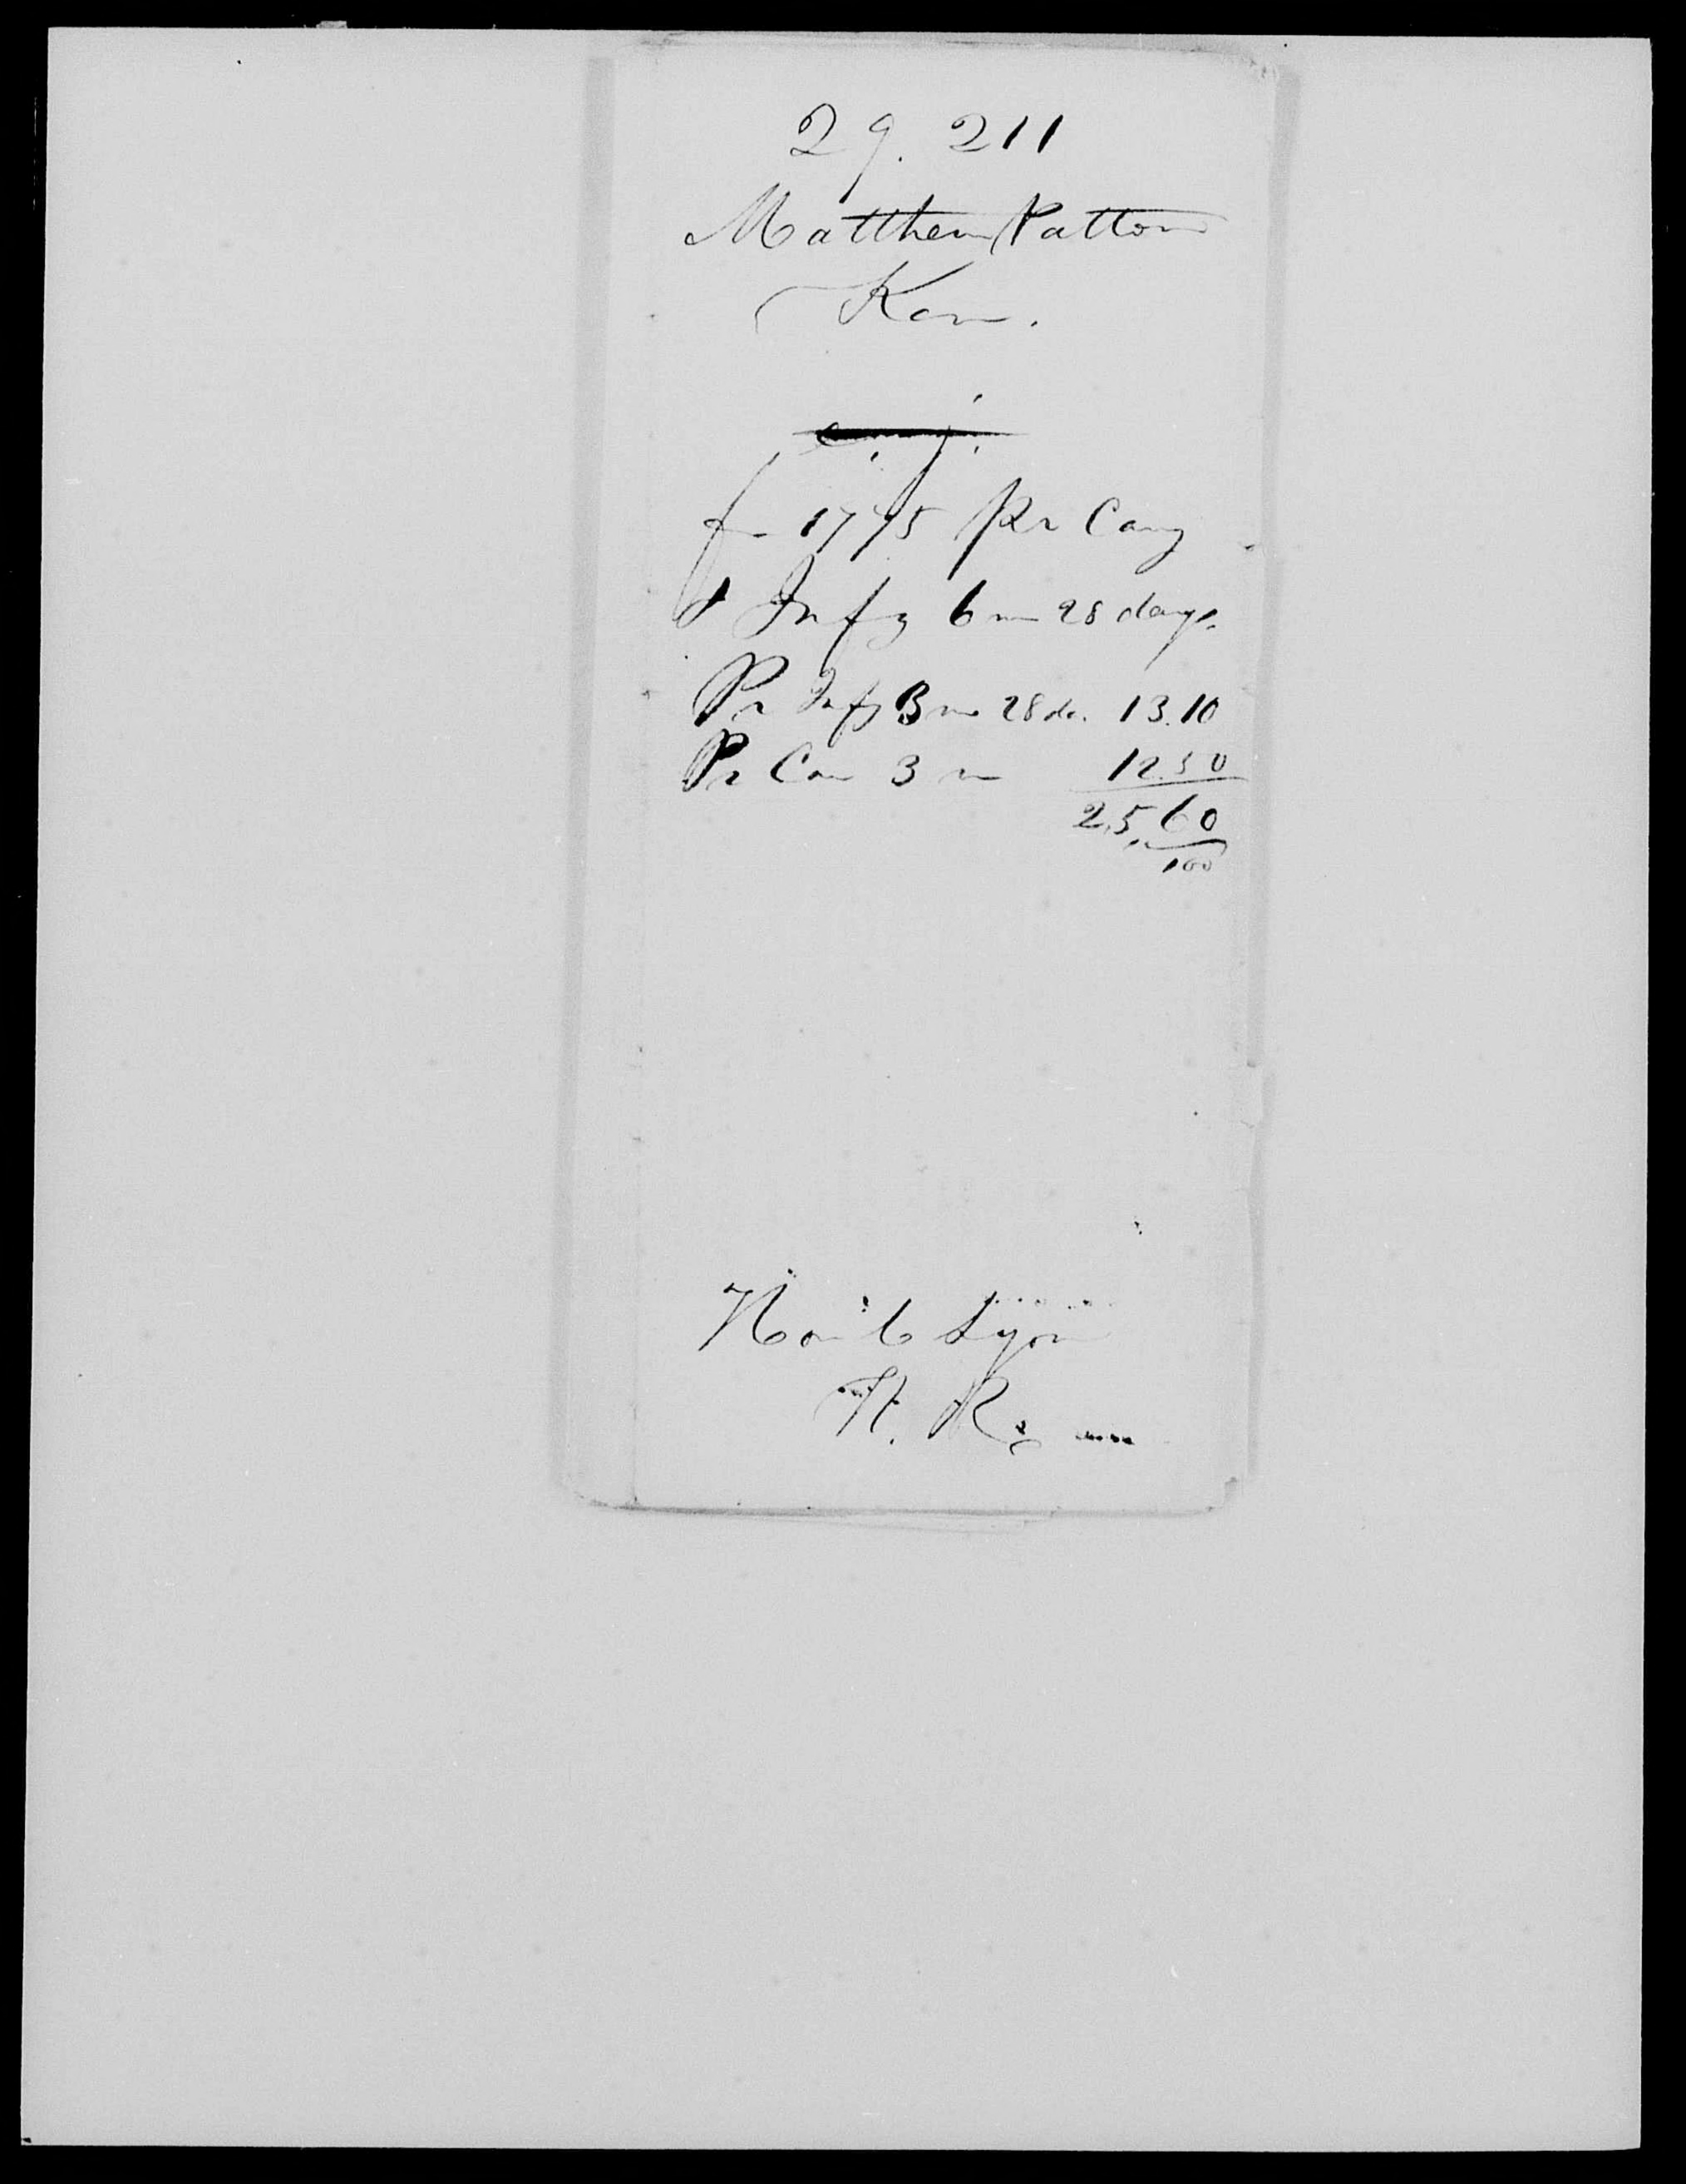29. 211
Matthew Patton
Ken.
[]
for 1775 pr Cay
I Infy 6 mo 28 days
Pr Infy  3 mo 28 days  13. 10
Pr Cav 3 mo  12.50
25.60/100
Hon C Lyon
H. R.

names: C Lyon; Matthew Patton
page: 3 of 45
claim: survivor's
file: S. 31294, for Matthew Patton, Maryland